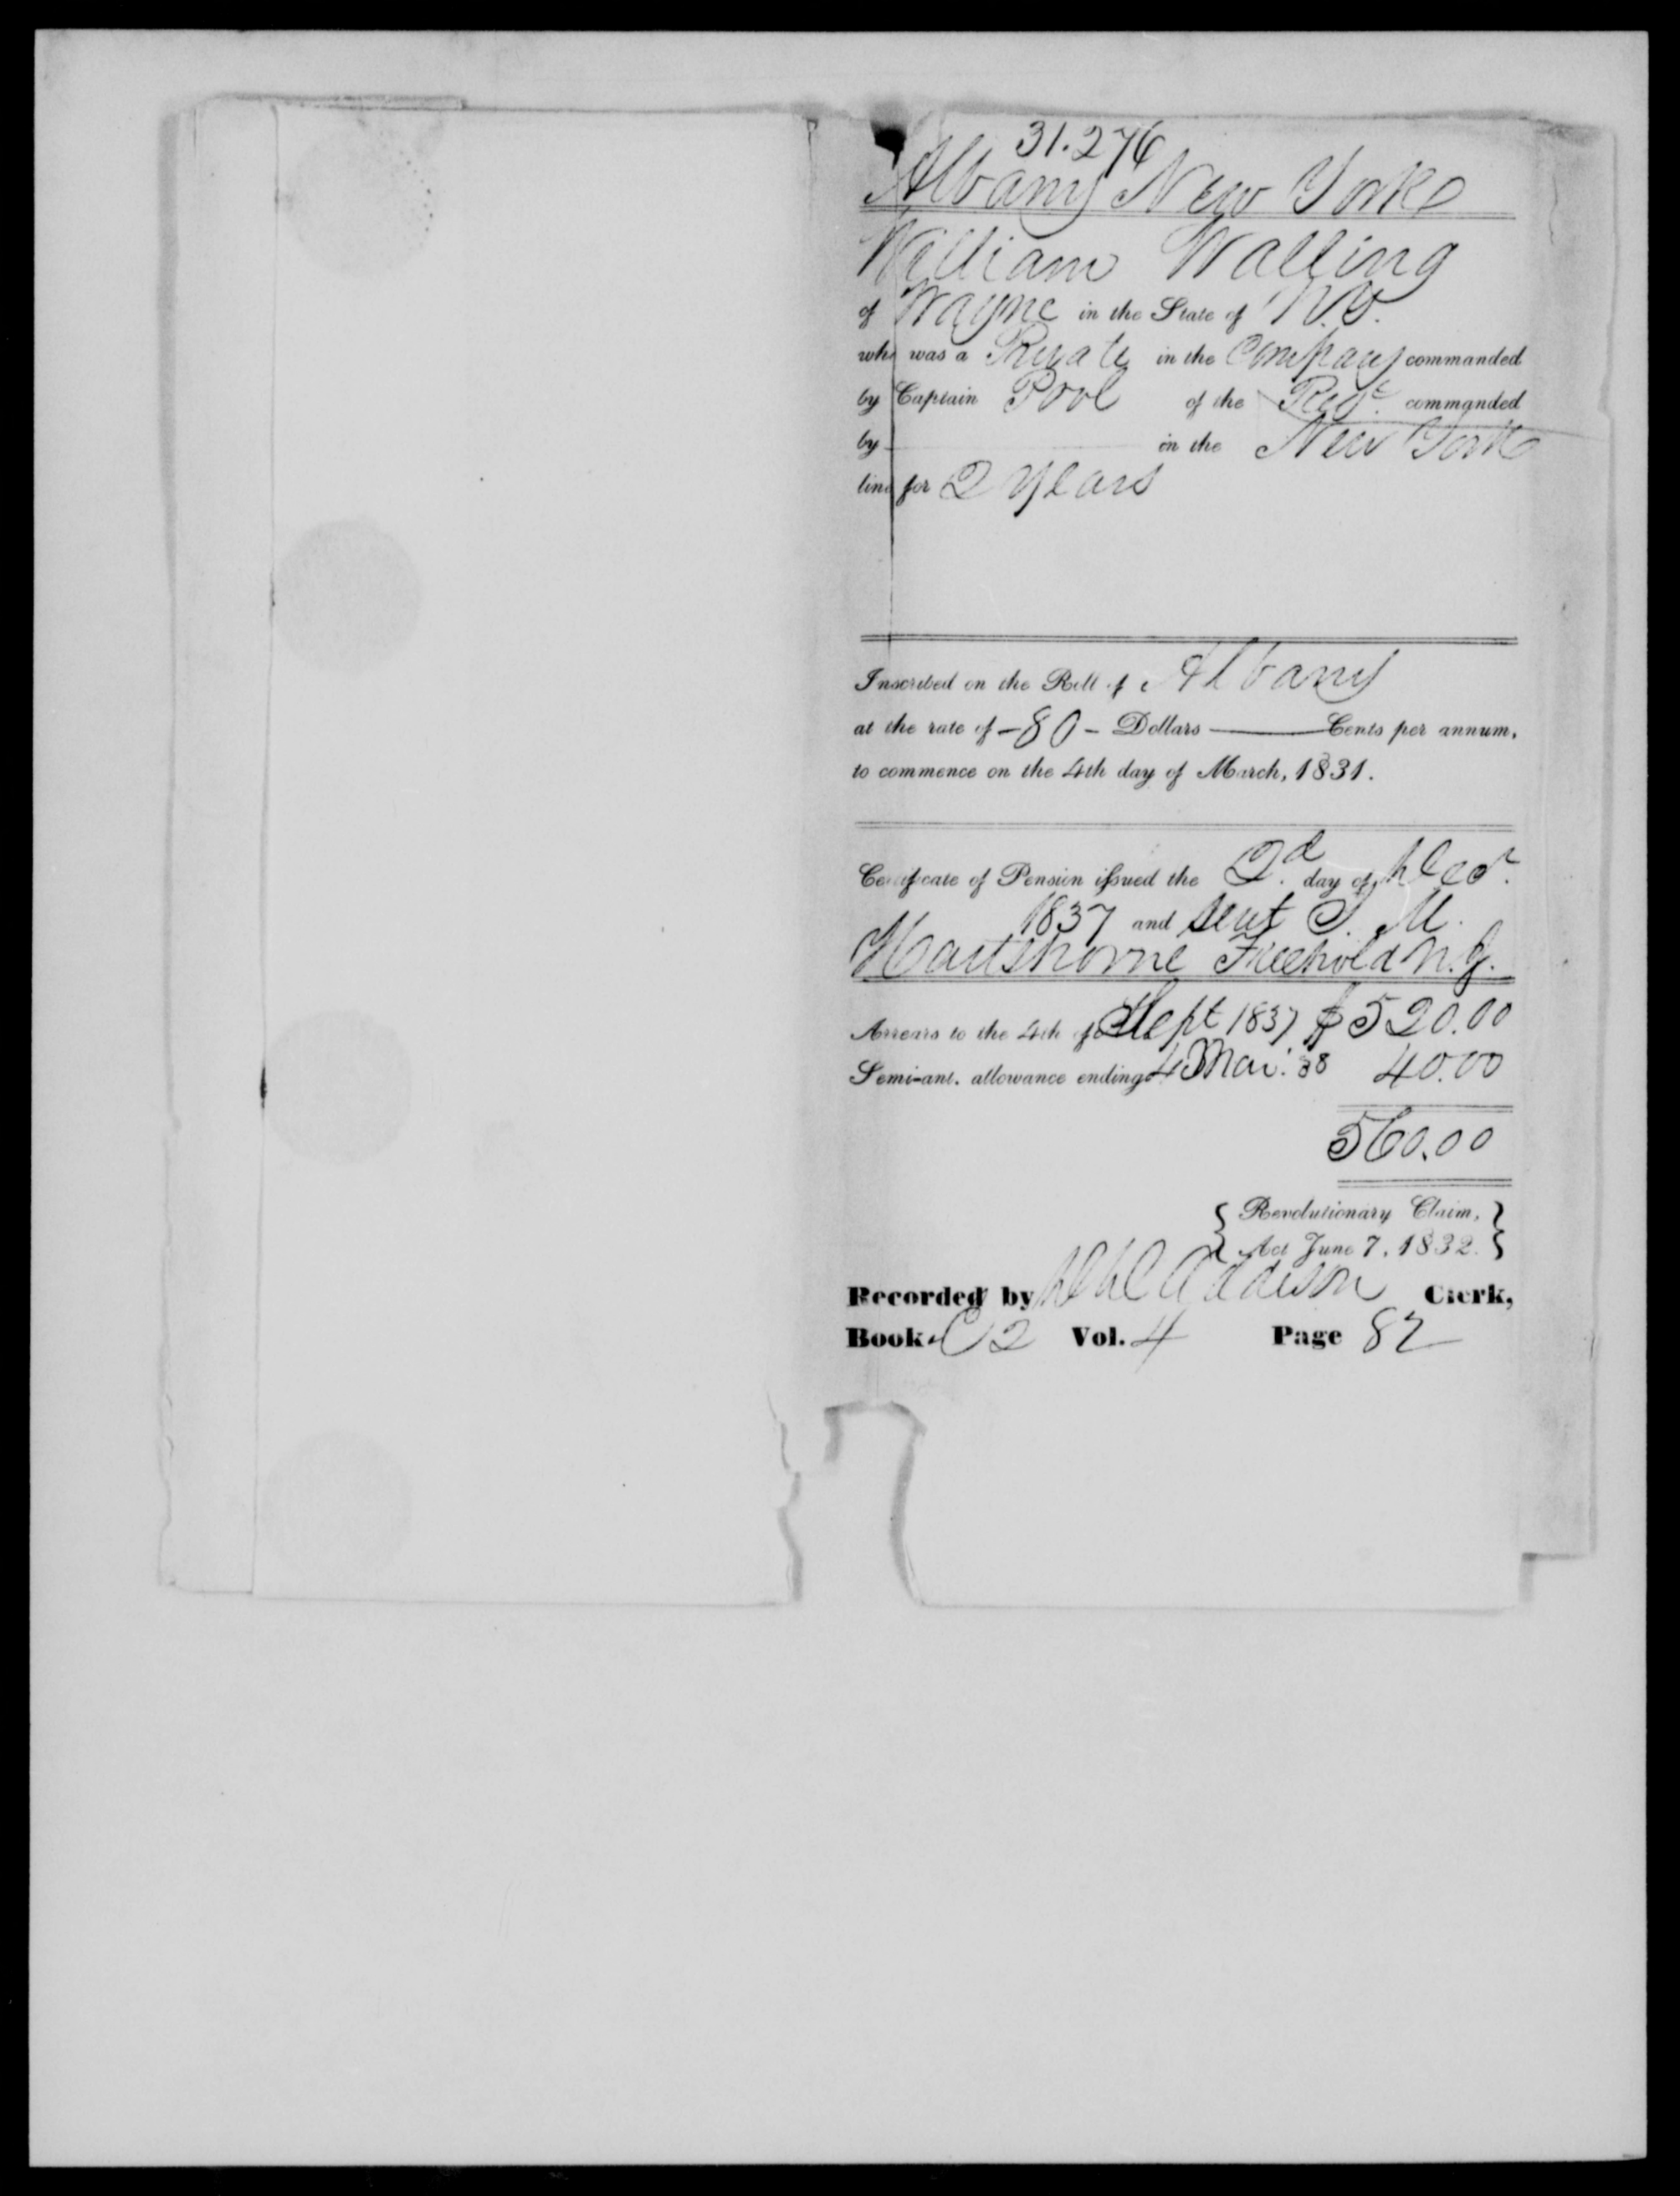31.276
Albany New York
William Walling of Wayne in the State of N.Y. who was a Private in the company commanded by Captain Pool of the Regt commanded by ______ in the New York line for 2 years

Inscribed on the Roll of Albany at the rate of 80 Dollars ____ Cents per annum, to commence on the 4th day of March 1831.

Certificate of Pension issued the 2nd day of (illegible) 1837 and sent J.M. Harthshorne Freehold N.J.

Arrears to the 4th of Sept 1837 $529.00 Semi-ann. allowance ending 4 Mar '38 40.00__ 560.00

Revolutionary Claim, Act June 7, 1832
Recorded by DD Addison Clerk Book C2 Vol. 4 Page 82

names: D D Addison, Pool, William Walling, J M Hartshorne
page: 2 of 66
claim: widow's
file: W. 19588, William Walling, New Jersey